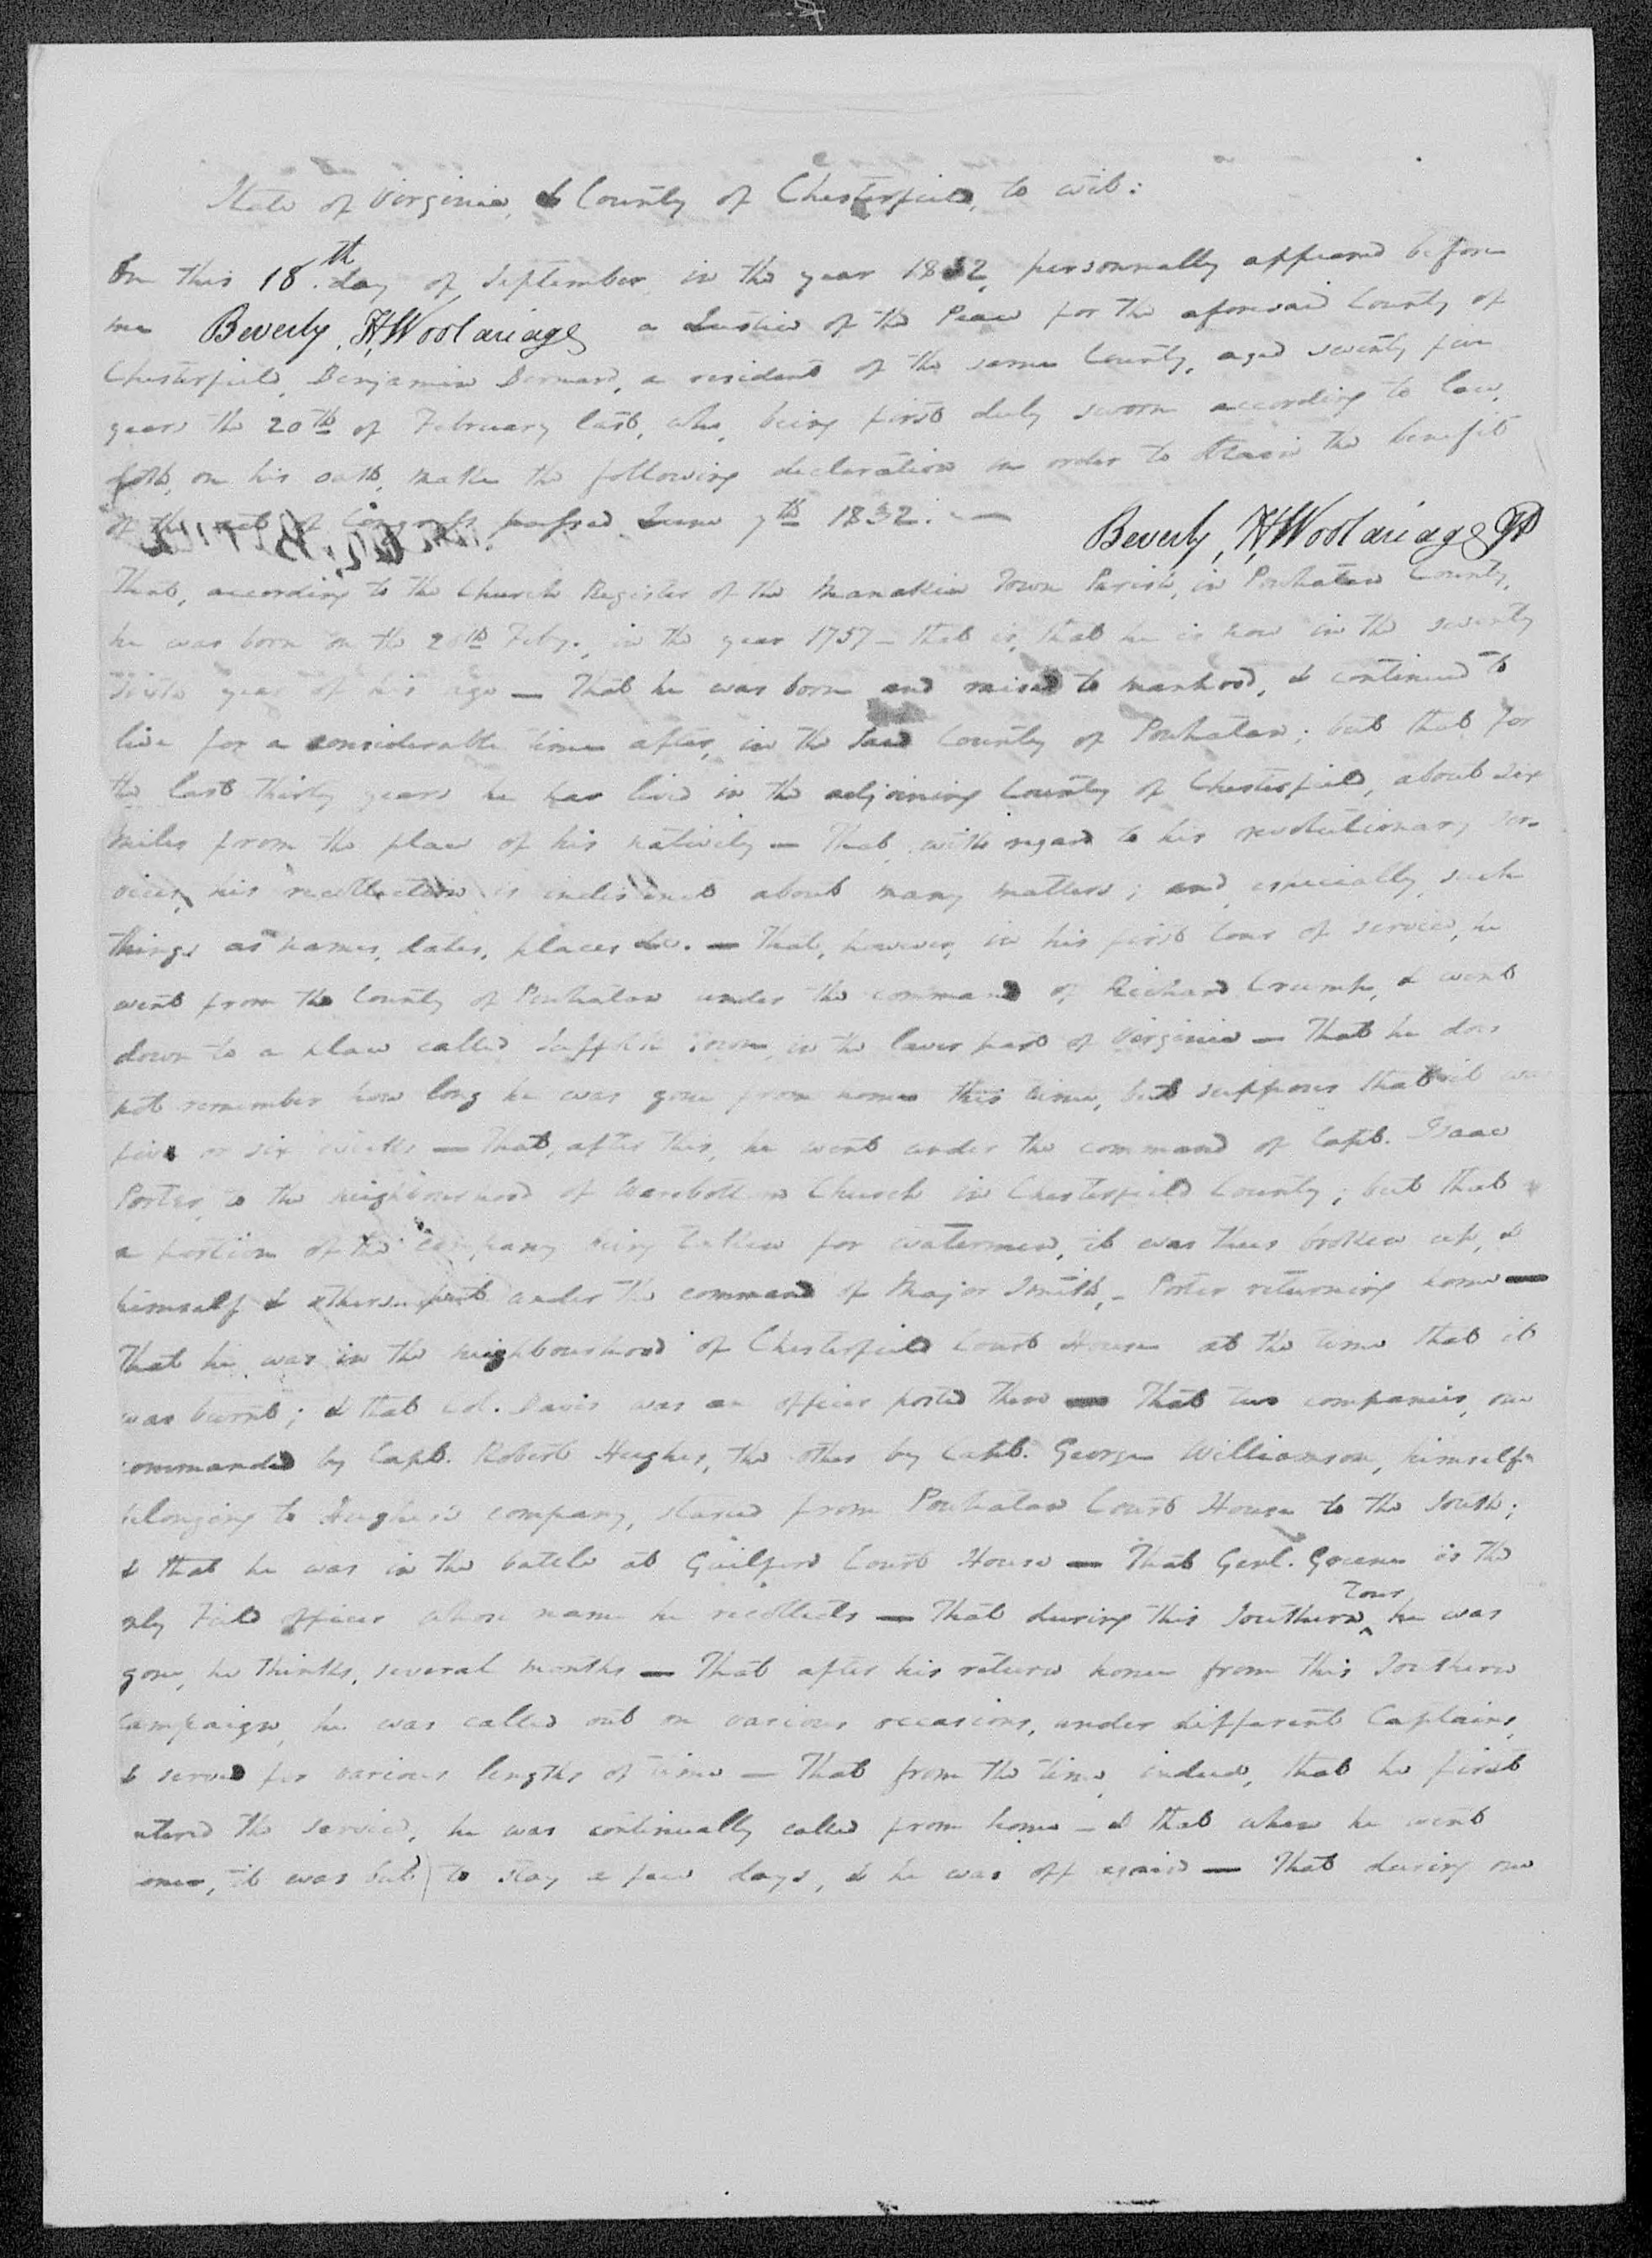State of Virginia & County of Chesterfield, to wit:
On this 18th day of September in the year 1832, personally appeared before me Beverly H. Wooldridge a Justice of the Peace for the aforesaid County of Chesterfield, Benjamin Bernard, a resident of the same County, aged seventy four years the 20th of February last, who, being first duly sworn according to law, doth, on his oath, make the following declaration in order to obtain the benefit of the act of Congress passed June 7th 1832.
     Beverly H. Wooldridge JP
That, according to the Church register of the Manakin Town Parish in Powhatan County he was born on the 20th of Feby., in the year 1757 -- that is, that he is now in the seventy fifth year of his age --That he was born and raised to manhood, & continued to live for a considerable time after, in the said County of Powhatan; but that for the last thirty years he has lived in the adjoining County of Chesterfield, about six miles from the place of his nativity -- That, with regard to his revolutionary services, his recollection is indistinct about many matters; and especially such things as name, dates, places & c. -- That, however,, in his first tour of service, he went from the County of Powhatan under the command of Richard Crumb (Richard Crump), & went down to a place called Suffolk Town, in the lower part of Virginia -- That he does not remember how long he was gone from home this time, but supposes that it was five or six weeks -- That, after this, he went under the command of Capt. Isaac Porter, to the neighbourhood of Warebottom Church (Ware Bottom Church) in Chesterfield County, but that a portion of the company being taken for watermen, it was thus broken up, & himself & others put under the command of Major Smith, -- Porter returning home -- That he was in the neighbourhood of Chesterfield Court House at the time that it was burnt )27 April 1780); & that Col. David (sic:  William Davies) was an officer posted there -- that two companies, one commanded by Capt. Robert Hughes, the other by Capt. George Williamson, himself belonging to Hughes' company, started from Powhatan Court House to the South; & that he was in the battle at Guilford Court House (NC, 15 Mar 1781) - That Genl. (Nathanael) Greene is the only field officer whose name he recollects -- That during this Southern Tour he was gone, thinks, several months -- That after his return home from this Southern Campaign, he was called out on various occasions, under different Captains, & served for various lengths of time -- That from the time, indeed, that he first entered the service, he was continually called from home and that when he went home, it was but to stay a few days, & he was off again -- That during one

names: Beverly H Wooldridge, Beverly H Wooldridge, Isaac Porter, George Williamson, Robert Hughes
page: 3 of 18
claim: survivor's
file: S. 9096, Benjamin Barnard, Va.